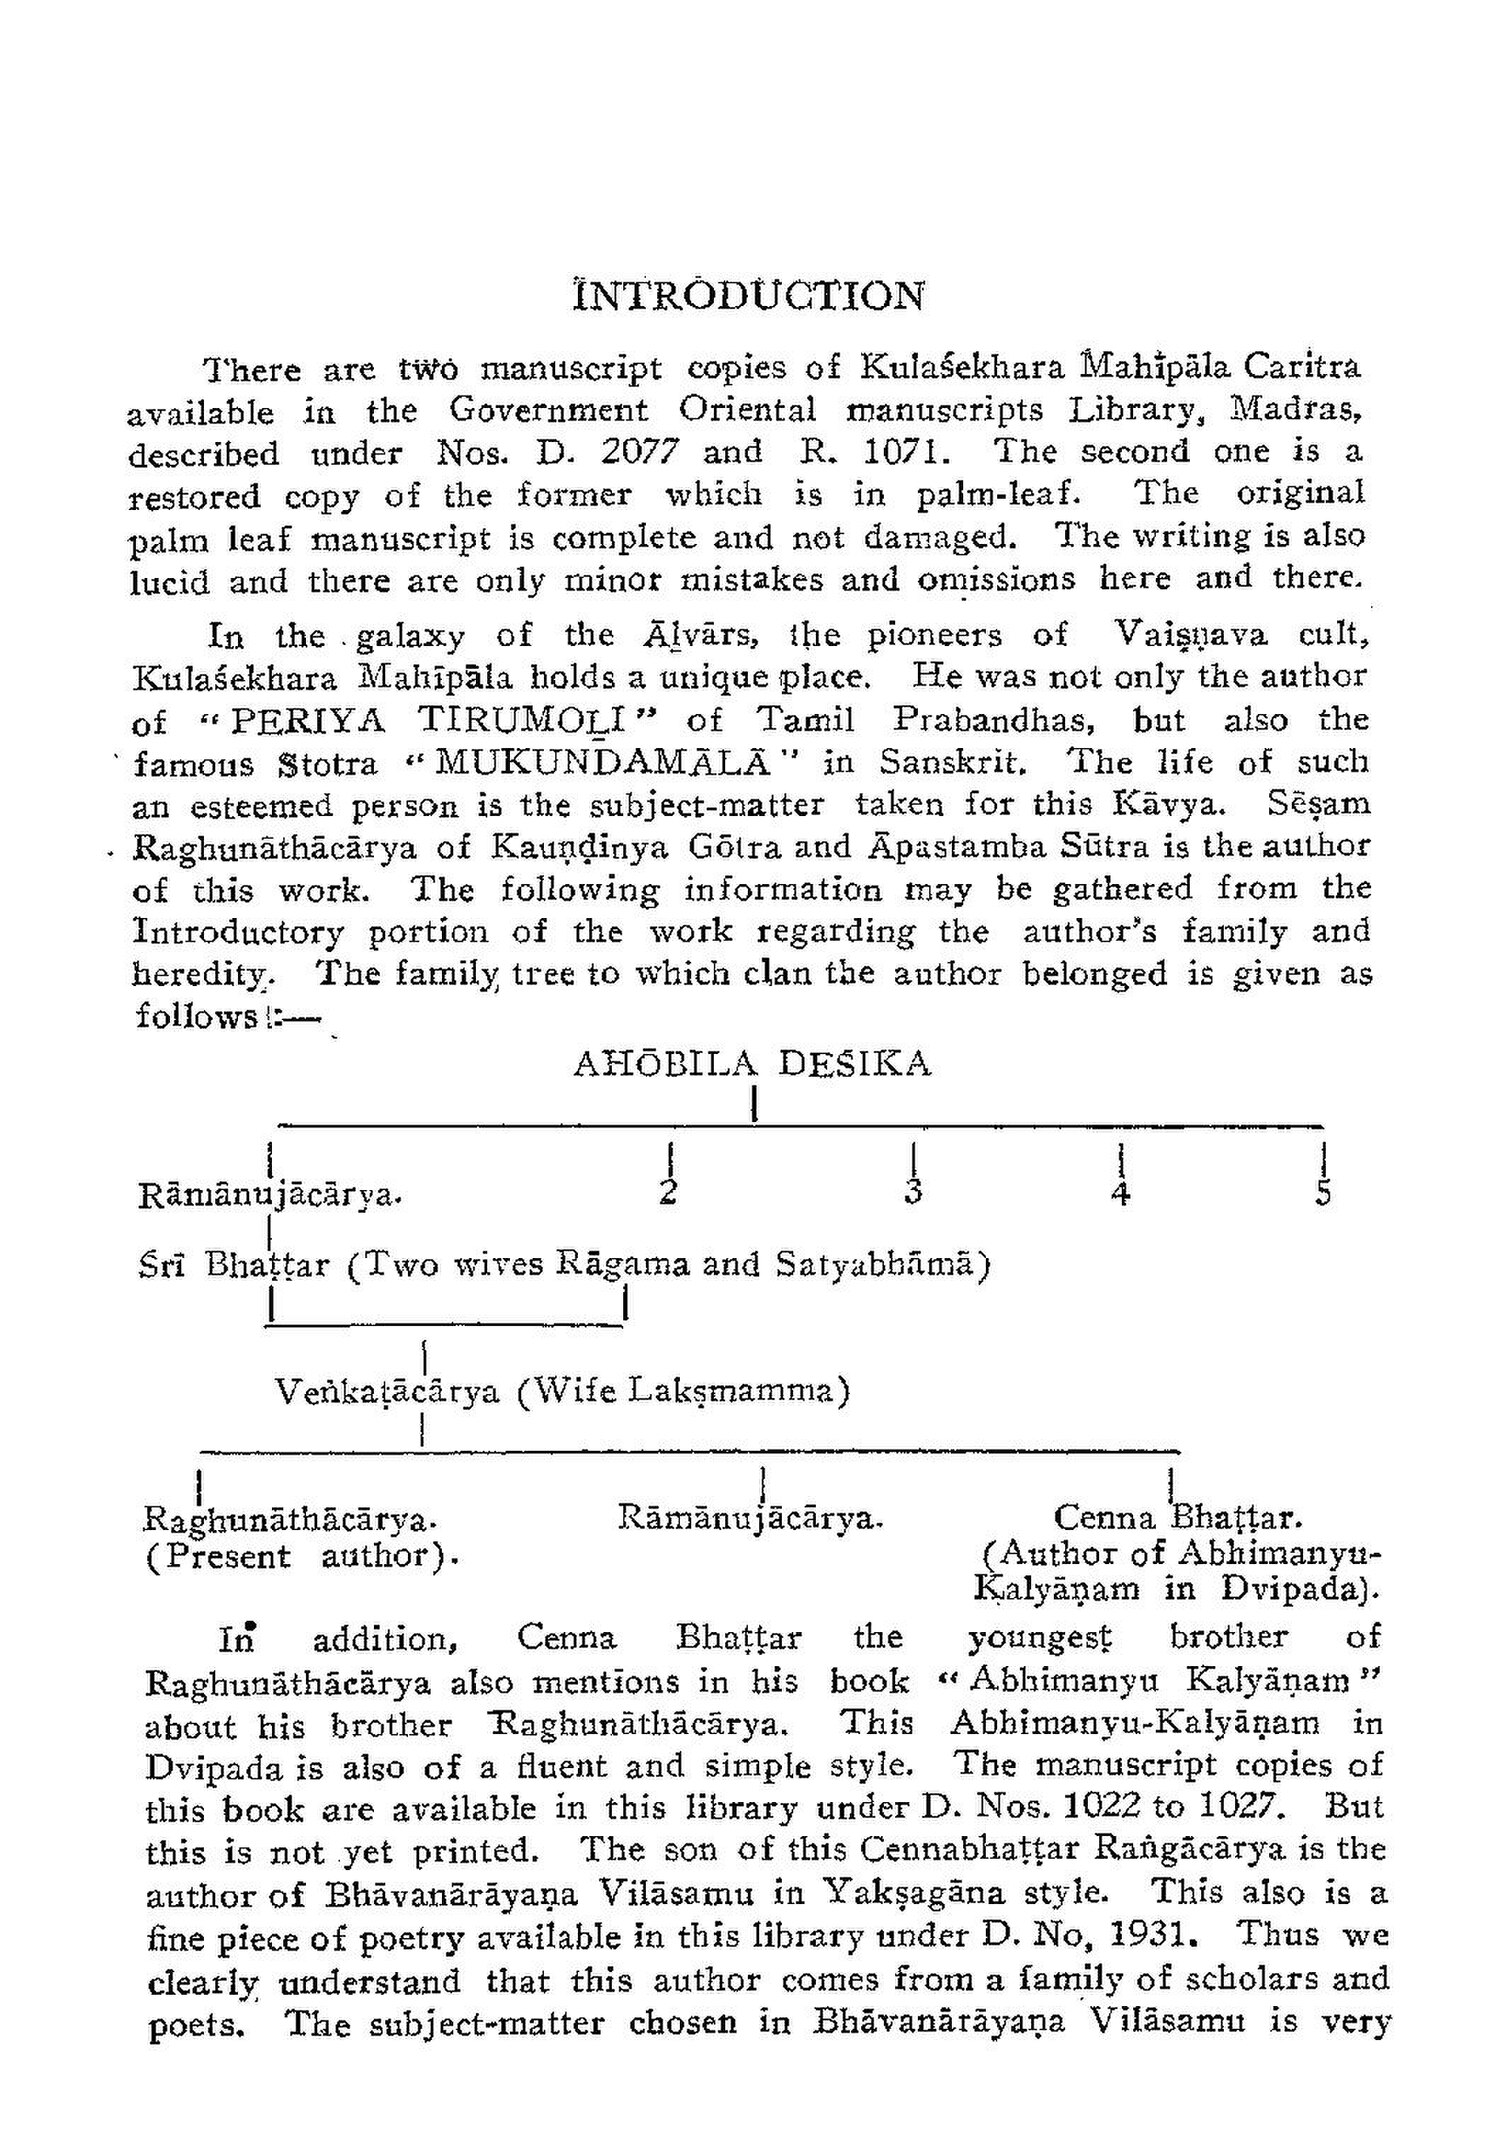INTRODUCTION
There are two manuscript copies of Kulaśekhara Mahīpāla Caritra available in the Government Oriental manuscripts Library, Madras, described under Nos. D. 2077 and R. 1071. The second one is a restored copy of the former which is in palm-leaf. The original palm leaf manuscript is complete and not damaged. The writing is also lucid and there are only minor mistakes and omissions here and there.

In the galaxy of the Alvārs, the pioneers of Vaiṣṇava cult, Kulaśekhara Mahīpāla holds a unique place. He was not only the author of "PERIYA TIRUMOḺI" of Tamil Prabandhas, but also the famous Stotra “MUKUNDAMĀLĀ" in Sanskrit. The life of an esteemed person is the subject-matter taken for this Kāvya. Sēṣam Raghunathācārya of Kauņḍinya Götra and Āpastamba Sūtra is the author of this work. The following information may be gathered from the Introductory portion of the work regarding the author's family and heredity. The family tree to which clan the author belonged is given as follows:—

In addition, Cenna Bhaṭṭar the youngest brother of Raghunathācārya also mentions in his book “Abhimanyu Kalyāņam" about his brother Raghunāthācārya. This Abhimanyu-Kalyāṇam in Dvipada is also of a fluent and simple style. The manuscript copies of this book are available in this library under D. Nos. 1022 to 1027. But this is not yet printed. The son of this Cennabhaṭṭar Raṅgācārya is the author of Bhāvanārāyaṇa Vilāsamu in Yakṣagāna style. This also is a fine piece of poetry available in this library under D. No. 1931. Thus we clearly understand that this author comes from a family of scholars and poets. The subject-matter chosen in Bhāvanārāyaṇa Vilāsamu is very